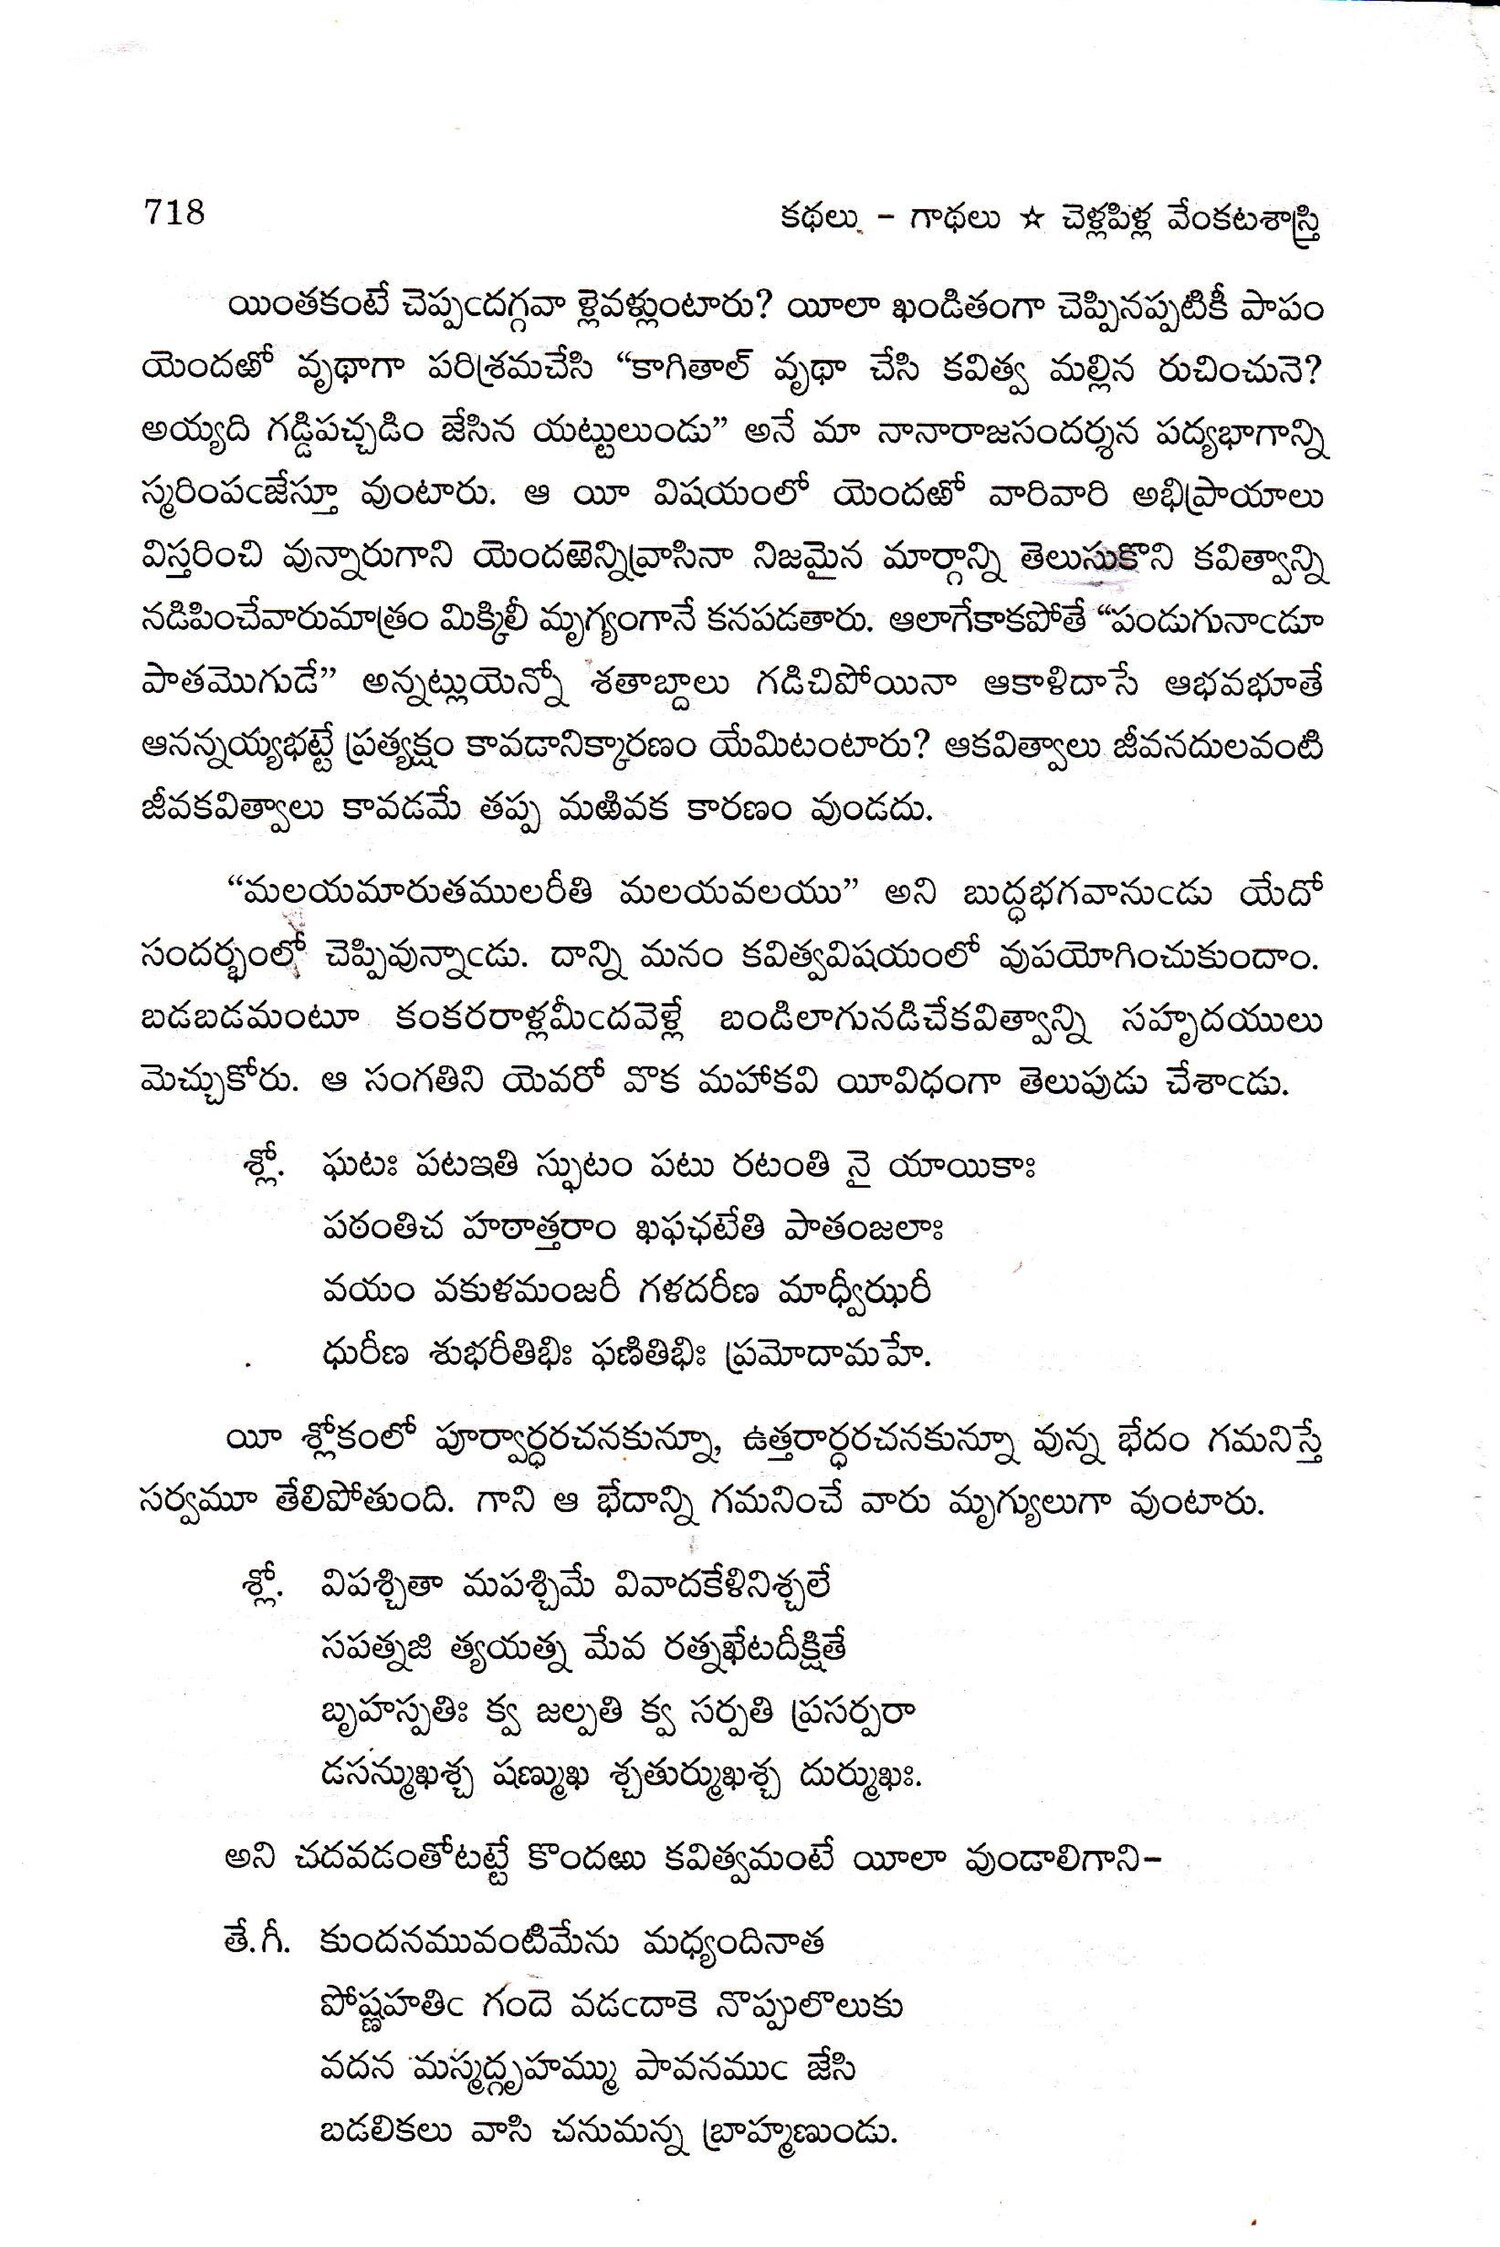యింతకంటే చెప్పఁదగ్గవా ళ్లెవళ్లుంటారు? యీలా ఖండితంగా చెప్పినప్పటికీ పాపం యెందఱో వృథాగా పరిశ్రమచేసి "కాగితాల్ వృథా చేసి కవిత్వ మల్లిన రుచించునె? అయ్యది గడ్డిపచ్చడిం జేసిన యట్టులుండు" అనే మా నానారాజసందర్శన పద్యభాగాన్ని స్మరింపఁజేస్తూ వుంటారు. ఆ యీ విషయంలో యెందఱో వారివారి అభిప్రాయాలు విస్తరించి వున్నారుగాని యెందఱెన్నివ్రాసినా నిజమైన మార్గాన్ని తెలుసుకొని కవిత్వాన్ని నడిపించేవారుమాత్రం మిక్కిలీ మృగ్యంగానే కనపడతారు. ఆలాగేకాకపోతే “పండుగునాఁడూ పాతమొగుడే" అన్నట్లుయెన్నో శతాబ్దాలు గడిచిపోయినా ఆకాళిదాసే ఆభవభూతే ఆనన్నయ్యభట్టే ప్రత్యక్షం కావడానిక్కారణం యేమిటంటారు? ఆకవిత్వాలు జీవనదులవంటి జీవకవిత్వాలు కావడమే తప్ప మఱివక కారణం వుండదు.

“మలయమారుతములరీతి మలయవలయు" అని బుద్ధభగవానుఁడు యేదో సందర్భంలో చెప్పివున్నాఁడు. దాన్ని మనం కవిత్వవిషయంలో వుపయోగించుకుందాం. బడబడమంటూ కంకరరాళ్లమీఁదవెళ్లే బండిలాగునడిచేకవిత్వాన్ని సహృదయులు మెచ్చుకోరు. ఆ సంగతిని యెవరో వొక మహాకవి యీ విధంగా తెలుపుడు చేశాఁడు.

శ్లో. ఘటః పటఇతి స్ఫుటం పటు రటంతి నై యాయికాః 
 పఠంతిచ హఠాత్తరాం ఖఫఛటేతి పాతంజలాః
 వయం వకుళమంజరీ గళదరీణ మాధ్వీఝరీ
 ధురీణ శుభరీతిభిః ఫణితిభిః ప్రమోదామహే.
యీ శ్లోకంలో పూర్వార్థరచనకున్నూ ఉత్తరార్థరచనకున్నూ వున్న భేదం గమనిస్తే సర్వమూ తేలిపోతుంది. గాని ఆ భేదాన్ని గమనించే వారు మృగ్యులుగా వుంటారు.

శ్లో. విపశ్చితా మపశ్చిమే వివాదకేళినిశ్చలే
 సపత్నజి త్యయత్న మేవ రత్నఖేటదీక్షితే
 బృహస్పతిః క్వ జల్పతి క్వ సర్పతి ప్రసర్పరా
 డసన్ముఖశ్చ షణ్ముఖ శ్చతుర్ముఖశ్చ దుర్ముఖః. 
అని చదవడంతోటట్టే కొందఱు కవిత్వమంటే యీలా వుండాలిగాని

తే.గీ. కుందనమువంటిమేను మధ్యందినాత
 పోష్ణహతిఁ గందె వడఁదాకె నొప్పులొలుకు 
 వదన మస్మద్గృహమ్ము పావనముఁ జేసి 
 బడలికలు వాసి చనుమన్న బ్రాహ్మణుండు.